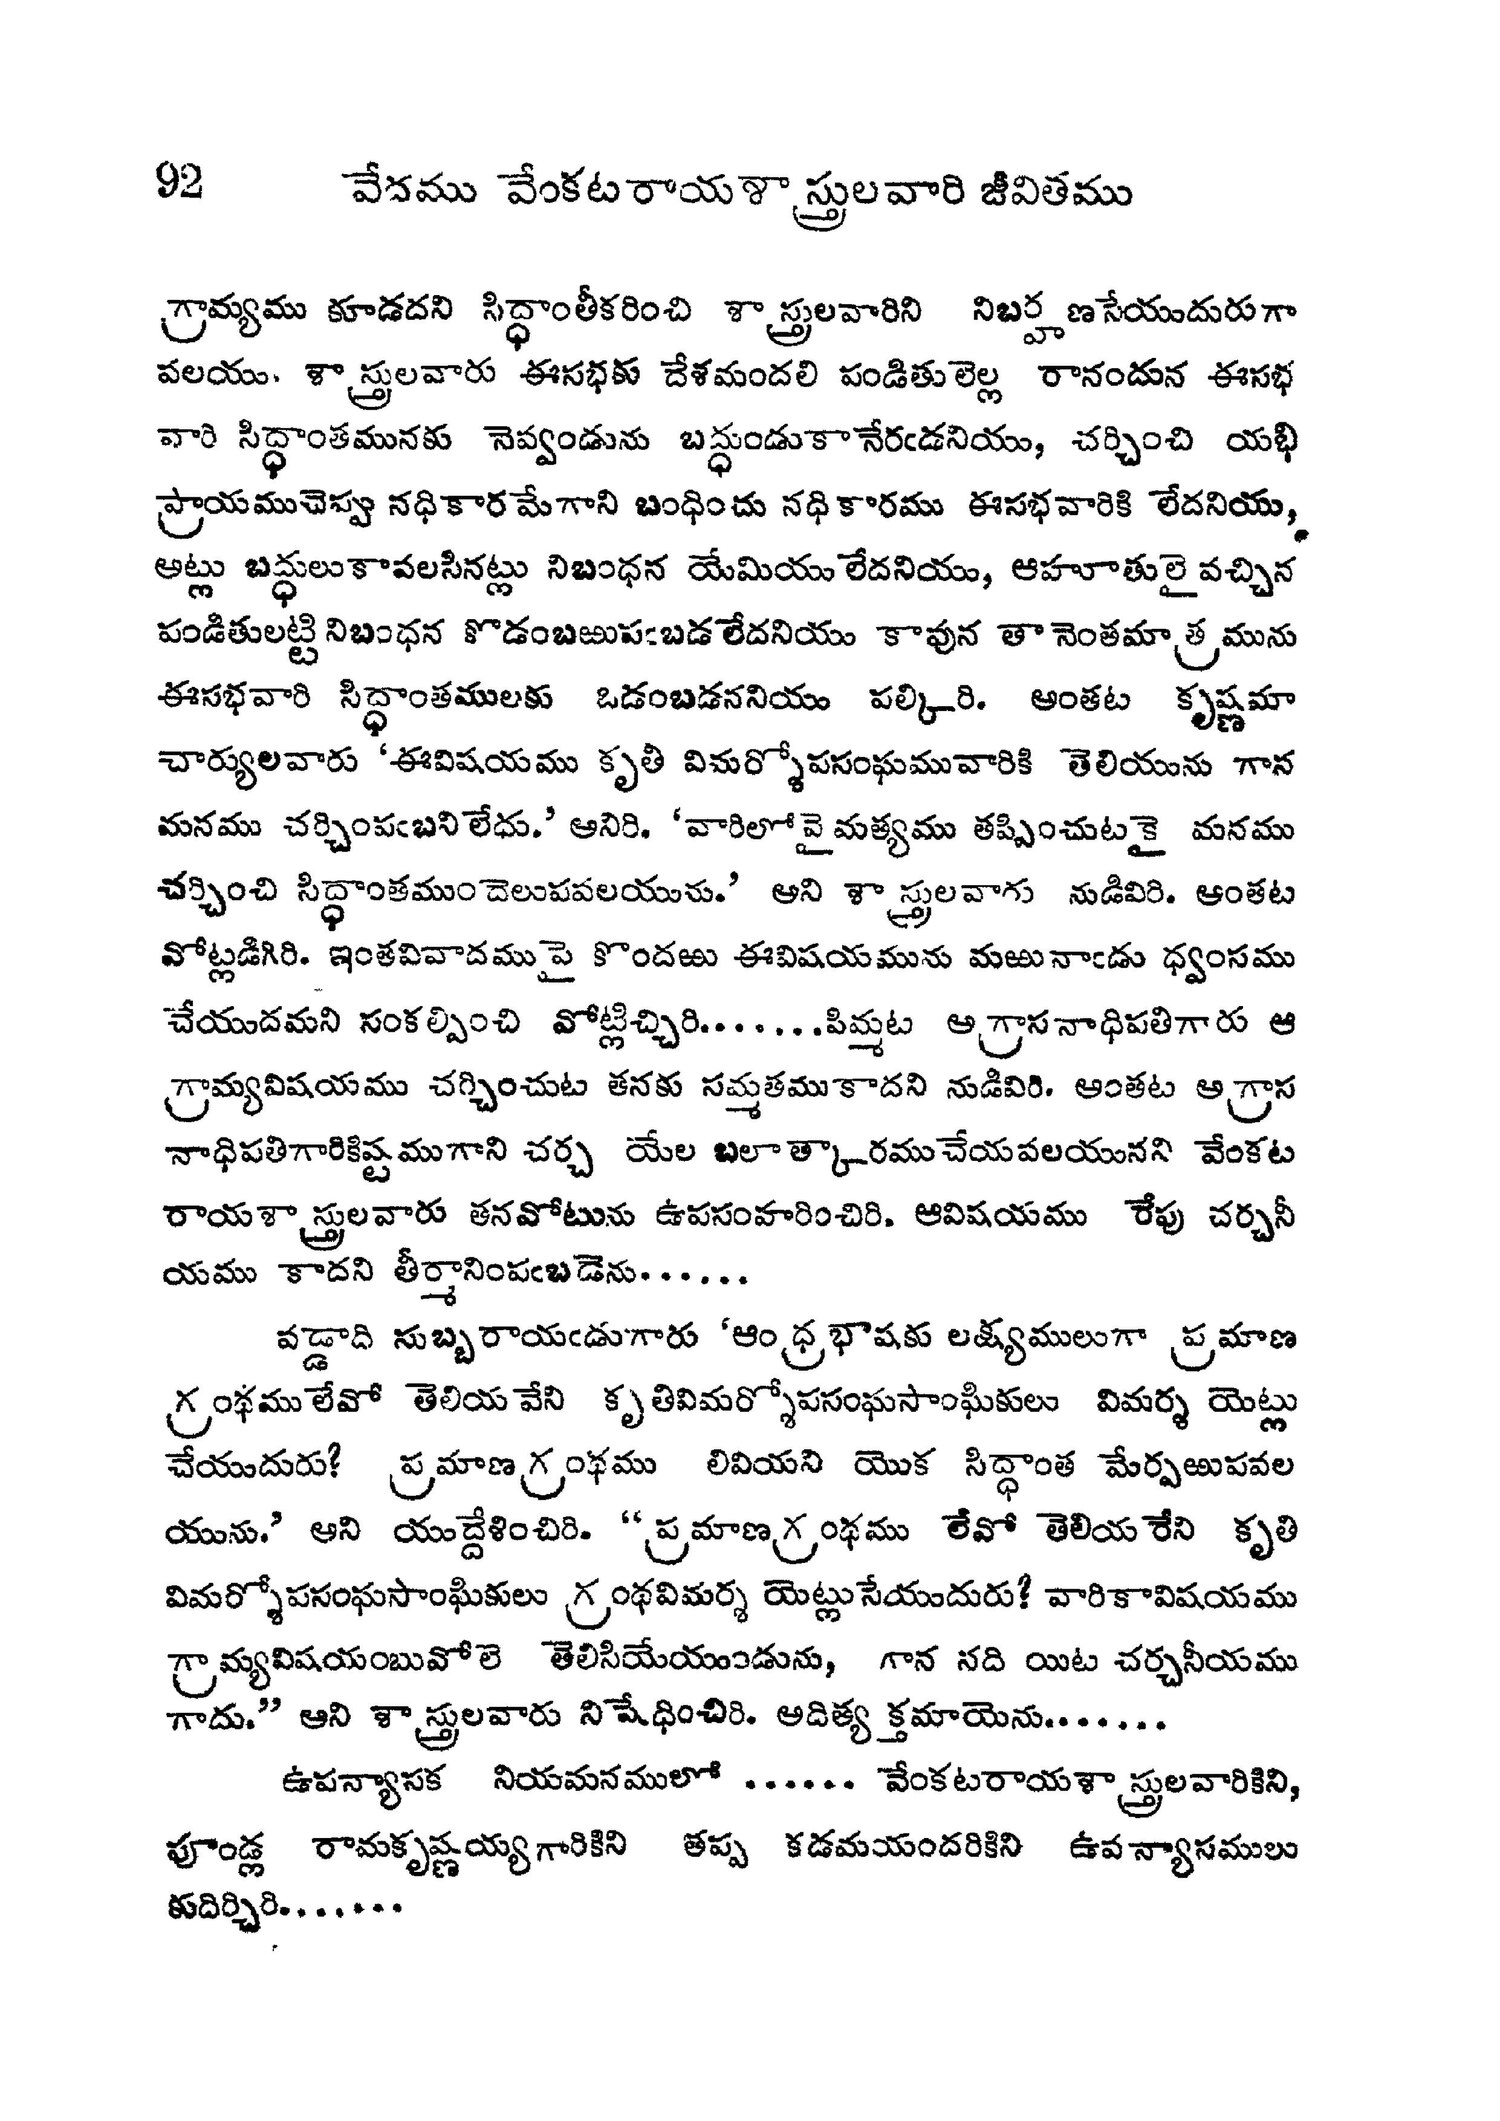గ్రామ్యము కూడదని సిద్ధాంతీకరించి శాస్త్రులవారిని నిబర్హణసేయుదురుగావలయు. శాస్త్రులవారు ఈసభకు దేశమందలి పండితులెల్ల రానందున ఈసభవారి సిద్ధాంతమునకు నెవ్వండును బద్ధుండుకానేరడనియు, చర్చించి యభిప్రాయముచెప్పు నధికారమేగాని బంధించు నధికారము ఈసభవారికి లేదనియు, అట్లు బద్ధులుకావలసినట్లు నిబంధన యేమియులేదనియు, ఆహూతులైవచ్చిన పండితులట్టినిబంధన కొడంబఱుపబడలేదనియు కావున తానెంతమాత్రమును ఈసభవారి సిద్ధాంతములకు ఒడంబడననియు పల్కిరి. అంతట కృష్ణమాచార్యులవారు 'ఈవిషయము కృతి విమర్శోపసంఘమువారికి తెలియును గాన మనము చర్చింపబనిలేదు.' అనిరి. 'వారిలోవైమత్యము తప్పించుటకై మనము చర్చించి సిద్ధాంతముందెలుపవలయును.' అని శాస్త్రులవారు నుడివిరి. అంతట వోట్లడిగిరి. ఇంతవివాదముపై కొందఱు ఈ విషయమును మఱునాడు ధ్వంసము చేయుదమని సంకల్పించి వోట్లిచ్చిరి....... పిమ్మట అగ్రాసనాధిపతిగారు ఆగ్రామ్యవిషయము చర్చించుటకు తనకు సమ్మతముకాదని నుడివిరి. అంతట అగ్రాసనాధిపతిగారికిష్టముగాని చర్చ యేల బలాత్కారముచేయవలయునని వేంకటరాయశాస్త్రులవారు తనవోటును ఉపసంహరించిరి. ఆవిషయము రేపు చర్చనీయము కాదని తీర్మానింపబడెను.......

వడ్డాది సుబ్బరాయడుగారు 'ఆంధ్రభాషకు లక్ష్యములుగా ప్రమాణగ్రంథములేవో తెలియవేని కృతివిమర్శోపసంఘసాంఘికులు విమర్శ యెట్లు చేయుదురు? ప్రమాణగ్రంథము లివియని యొక సిద్ధాంత మేర్పఱుపవలయును.' అని యుద్దేశించిరి. "ప్రమాణగ్రంథము లేవో తెలియరేని కృతివిమర్శోపసంఘసాంఘికులు గ్రంథవిమర్శ యెట్లుసేయుదురు? వారికావిషయము గ్రామ్యవిషయంబువోలె తెలిసియేయుండును, గాన నది యిట చర్చనీయము గాదు." అని శాస్త్రులవారు నిషేధించిరి. అదిత్యక్తమాయెను........

ఉపన్యాసక నియమనములో ....... వేంకటరాయశాస్త్రులవారికిని, పూండ్ల రామకృష్ణయ్యగారికిని తప్ప కడమయందరికిని ఉపన్యాసములు కుదిర్చిరి........